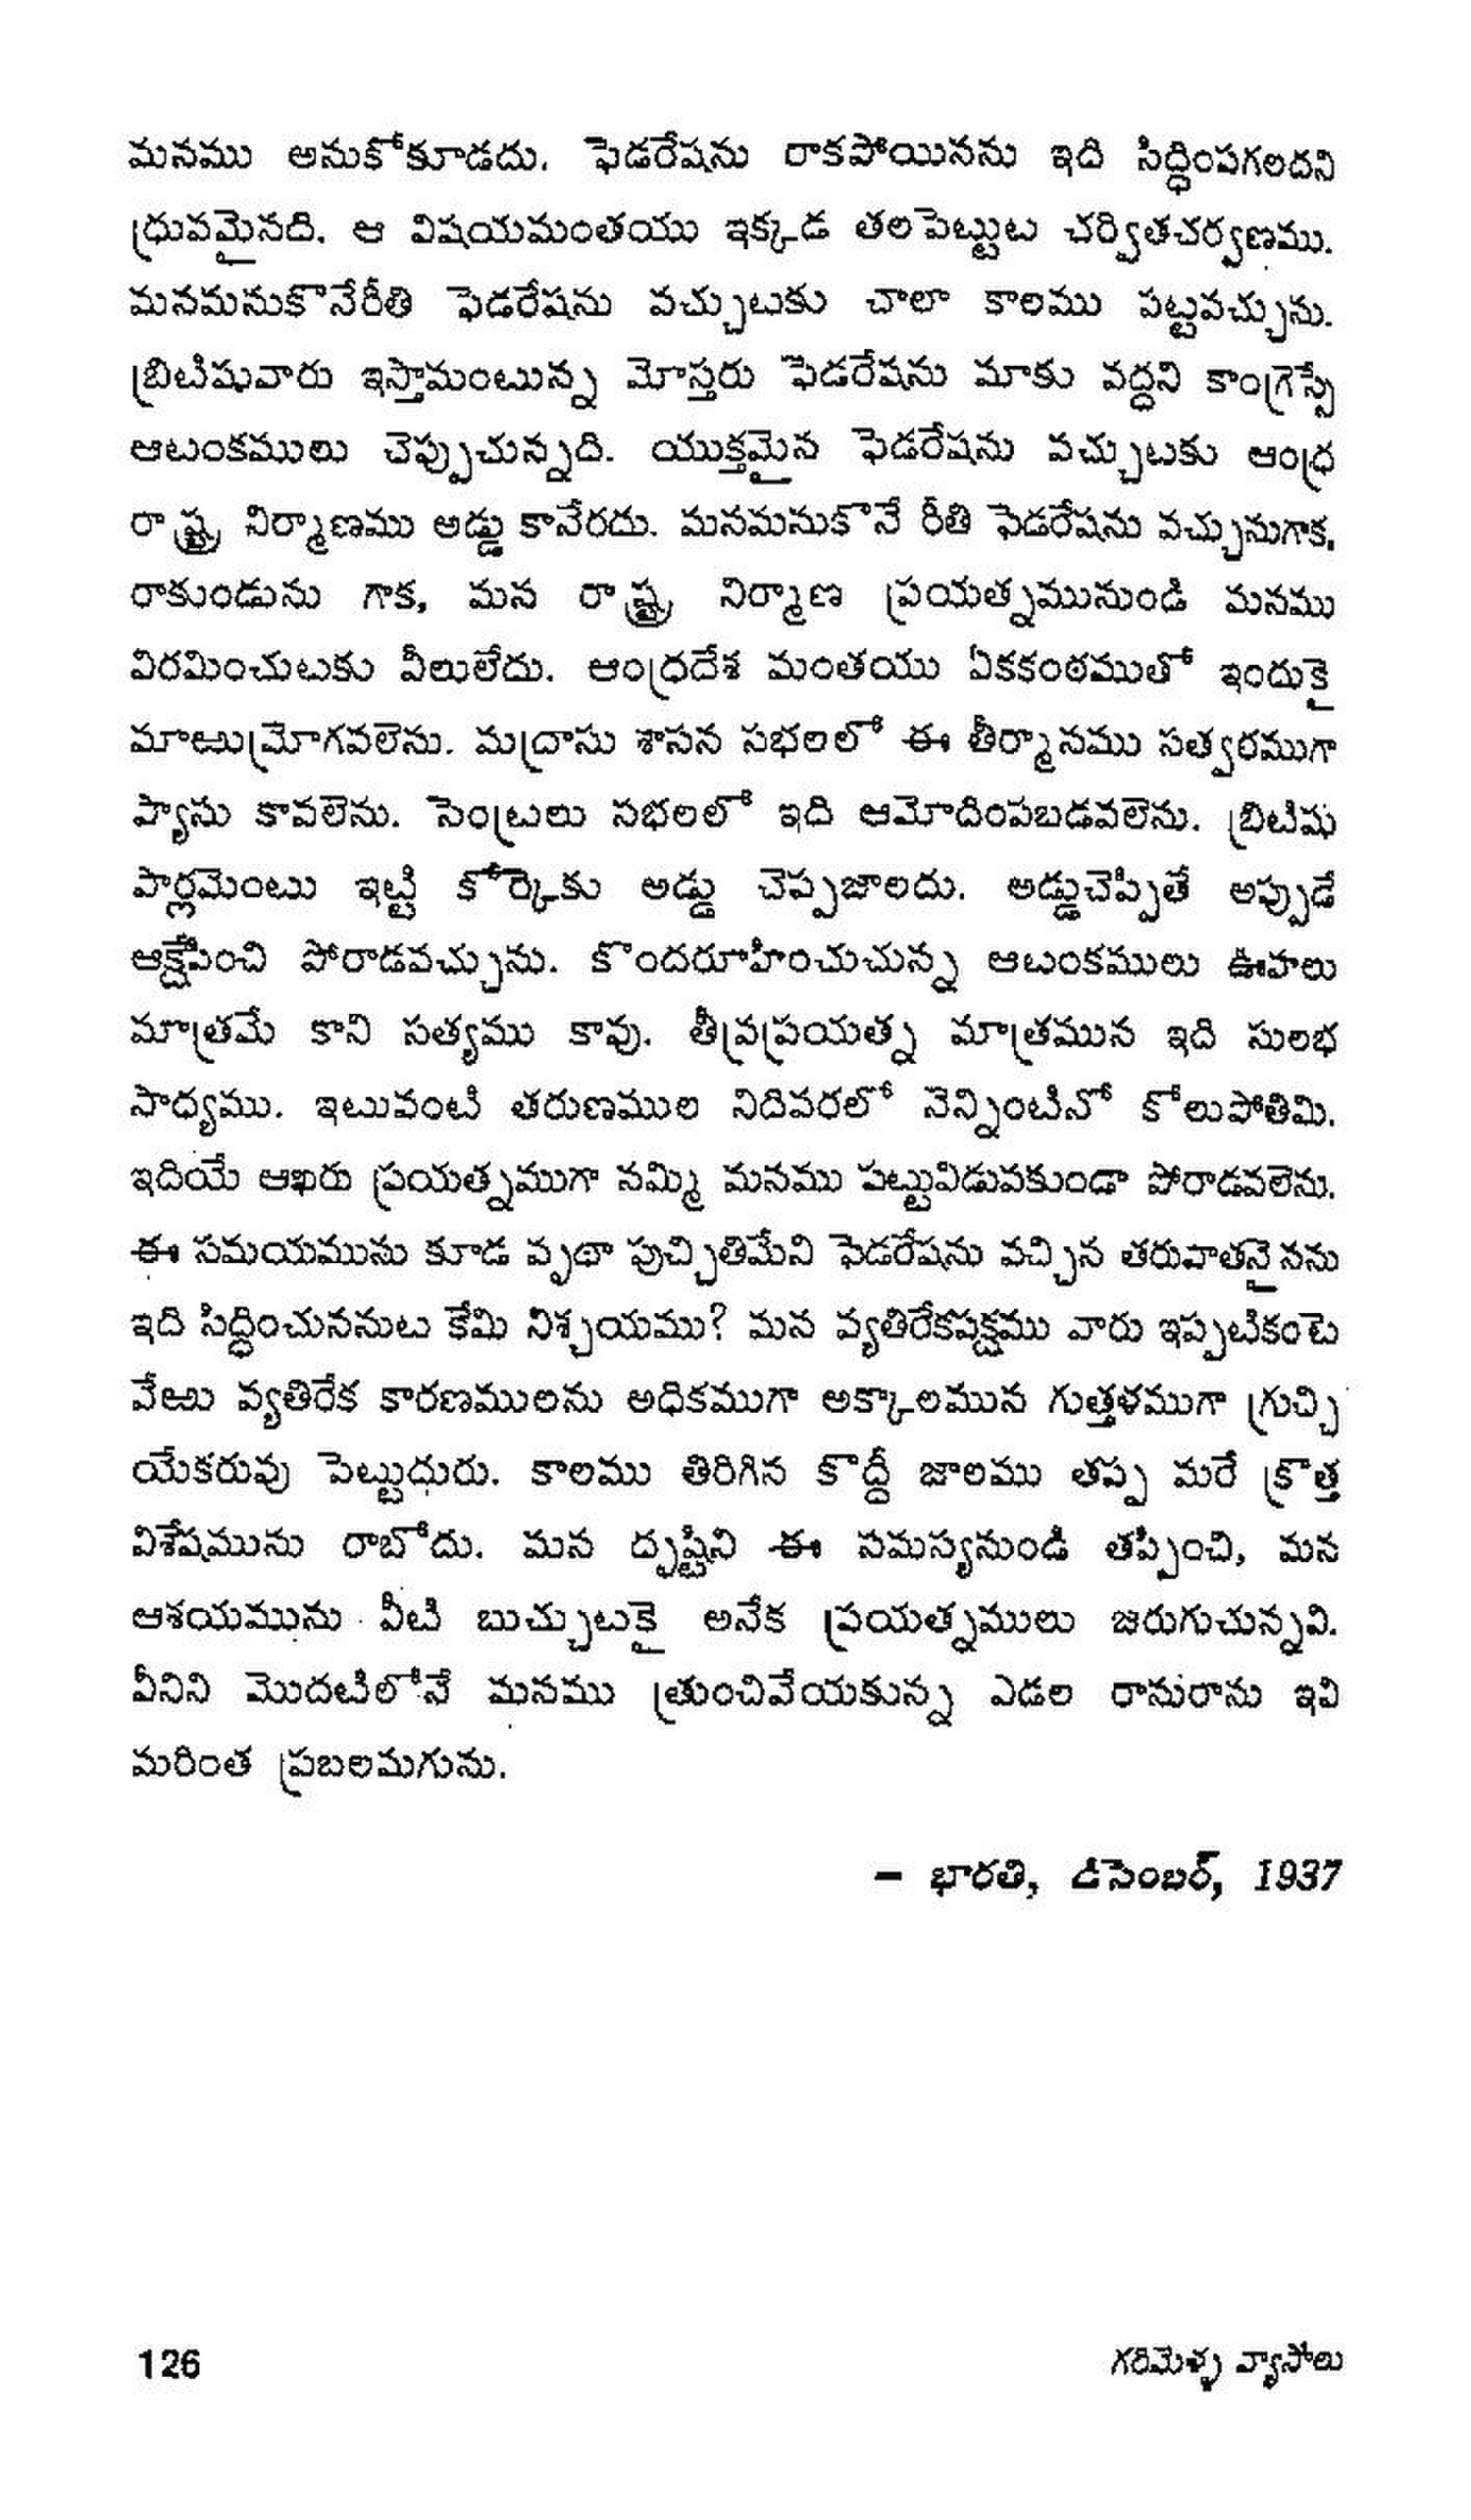మనము అనుకోకూడదు. ఫెడరేషను రాకపోయినను ఇది సిద్ధింపగలదని ధ్రువమైనది. ఆ విషయమంతయు ఇక్కడ తలపెట్టుట చర్వితచర్వణము. మనమనుకొనేరీతి ఫెడరేషను వచ్చుటకు చాలా కాలము పట్టవచ్చును. బ్రిటిషువారు ఇస్తామంటున్న మోస్తరు ఫెడరేషను మాకు వద్దని కాంగ్రెస్సే ఆటంకములు చెప్పుచున్నది. యుక్తమైన ఫెడరేషను వచ్చుటకు ఆంధ్రరాష్ట్ర నిర్మాణము అడ్డు కానేరదు. మనమనుకొనె రీతి ఫెడరేషను వచ్చునుగాక, రాకుండును గాక, మన రాష్ట్ర నిర్మాణ ప్రయత్నమునుండి మనము విరమించుటకు వీలులేదు. అంధ్రదేశ మంతయు ఏకకంఠముతో ఇందుకై మాఱుమ్రోగవలెను. మద్రాసు శాసన సభలలో ఈ తీర్మానము సత్వరముగా ప్యాసు కావలెను. సెంట్రలు సభలలో ఇది ఆమోదింపబడవలెను. బ్రిటిషు పార్లమెంటు ఇట్టి కోర్కెకు అడ్డు చెప్పజాలదు. అడ్దుచెప్పితే అప్పుడే ఆక్షేపించి పోరాడవచ్చును. కొందరూహించుచున్న ఆటంకములు ఊహలు మాత్రమే కాని సత్యము కావు. తీవ్రప్రయత్న మాత్రమున ఇది సులభసాధ్యము. ఇటువంటి తరుణముల నిదివరలో నెన్నింటినో కోలుపోతిమి. ఇదియే ఆఖరు ప్రయత్నముగా నమ్మి మనము పట్టువిడవకుండా పోరాడవలెను. ఈ సమయమును కూడ వృథా పుచ్చితిమేని ఫెడరేషను వచ్చిన తరువాతనైనను ఇది సిద్ధించుననుట కేమి నిశ్చయము? మన వ్యతిరేకపక్షము వారు ఇప్పటికంటె వేఱు వ్యతిరేక కారణములను అధికముగా అక్కాలమున గుత్తళముగా గ్రుచ్చి యేకరువు పెట్టుదురు. కాలము తిరిగిన కొద్దీ జాలము తప్ప మరే క్రొత్త విశేషమును రాబోదు. మన దృష్టిని ఈ సమస్యనుండి తప్పించి, మన ఆశయమును వీటి బుచ్చుటకై అనేక ప్రయత్నములు జరుగుచున్నవి. వీనిని మొదటిలోనే త్రుంచివేయకున్న ఎడల రానురాను ఇవి మరింత ప్రబలమగును.